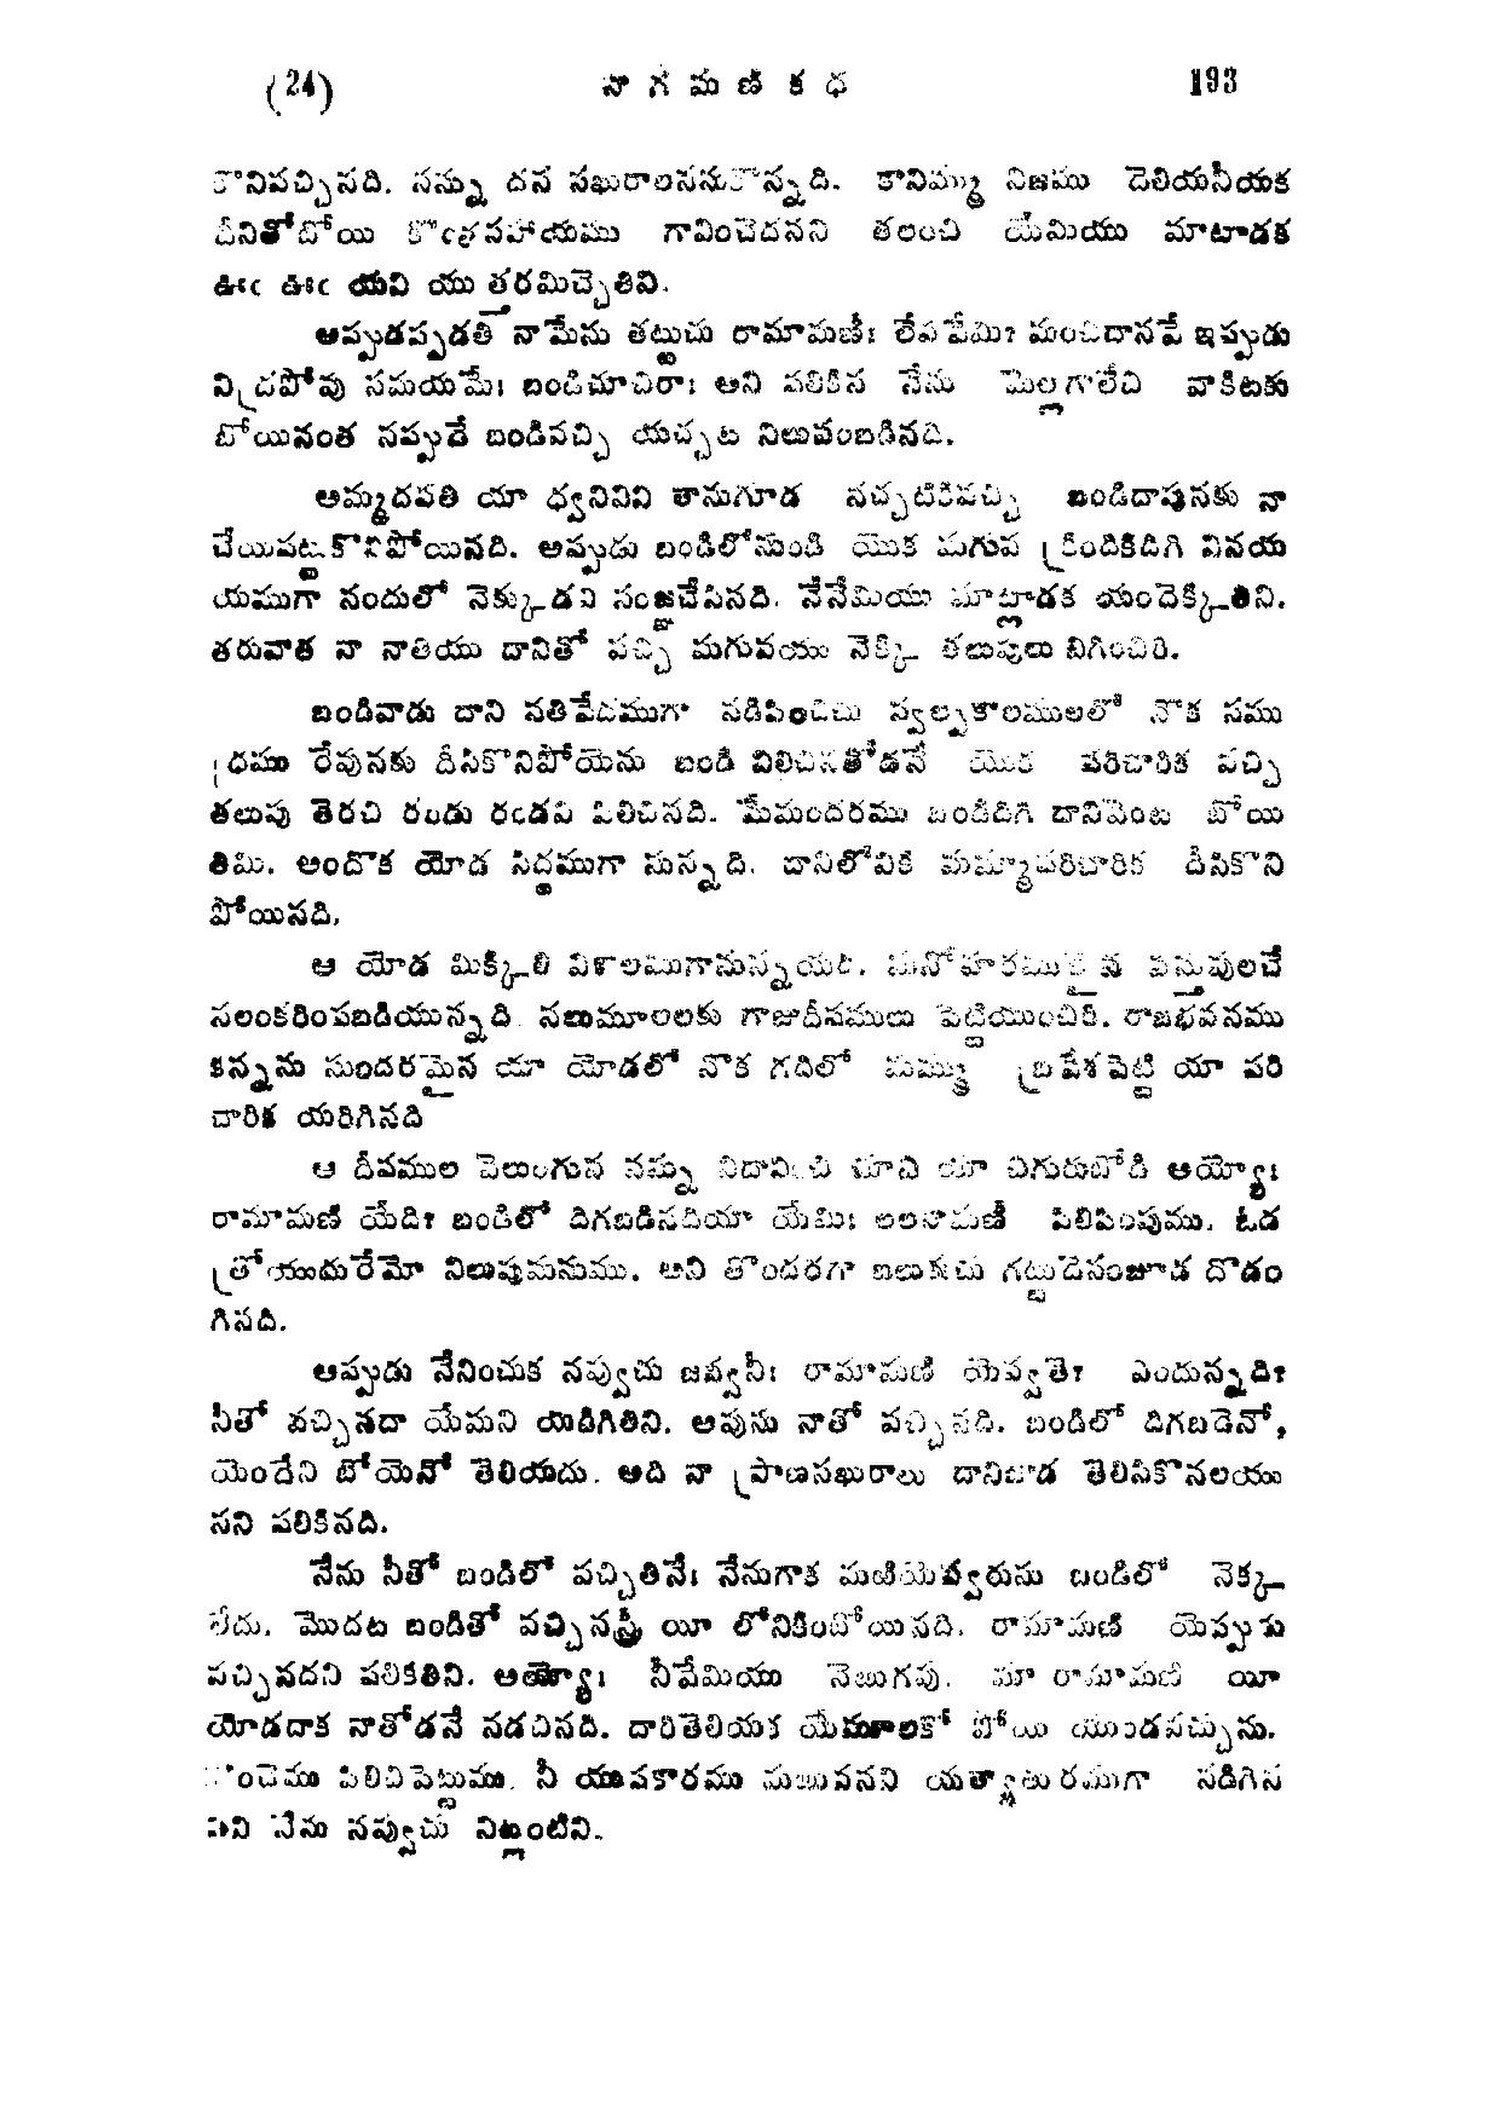కొనివచ్చినది. నన్ను దన సఖురాలననుకొన్నది. కానిమ్ము నిజము దెలియనీయక దీనితోబోయి కొంతసహాయము గావించెదనని తలంచి యేమియు మాటాడక ఊఁ ఊఁ యని యుత్తరమిచ్చెతిని.

అప్పుడప్పడతి నా మేను తట్టుచు రామామణీ? లేవ వేమి? మంచిదానవే ఇప్పుడు నిద్రపోవు సమయమే? బండిచూచిరా? అని పలికిన నేను మెల్లగాలేచి వాకిటకు బోయినంత నప్పుడే బండివచ్చి యచ్చట నిలువంబడినది.

అమ్మదవతి యా ధ్వనివిని తానుగూడ నచ్చటికివచ్చి బండిదాపునకు నా చేయిపట్టుకొనిపోయినది. అప్పుడు బండిలోనుండి యొక మగువ క్రిందికిదిగి వినయయముగా నందులో నెక్కుడని సంజ్ఞచేసినది. నేనేమియు మాట్లాడక యందెక్కితిని. తరువాత నా నాతియు దానితో వచ్చి మగువయు నెక్కి తలుపులు బిగించిరి.

బండివాడు దాని నతివేగముగా నడిపించుచు స్వల్పకాలములలో నొక సముద్రము రేవునకు దీసికొనిపోయెను బండి నిలిచినతోడనే యొక పరిచారిక వచ్చి తలుపు తెరచి రండు రండని పిలిచినది. మేమందరము బండిదిగి దానివెంట బోయితిమి. అందొక యోడ సిద్ధముగా నున్నది. దానిలోనికి మమ్మాపరిచారిక దీసికొనిపోయినది.

ఆ యోడ మిక్కిలి విశాలముగానున్నయది. మనోహరములైన వస్తువులచే నలంకరింపబడియున్నది. నలుమూలలకు గాజుదీపములు పెట్టియుంచిరి. రాజభవనము కన్నను సుందరమైన యా యోడలో నొక గదిలో మమ్ము బ్రవేశపెట్టి యా పరిచారిక యరిగినది

ఆ దీపముల వెలుంగున నన్ను నిదానించి చూచి యా చిగురుబోడి అయ్యో! రామామణి యేది? బండిలో దిగబడినదియా యేమి? లలనామణీ పిలిపింపుము. ఓడ త్రోయుదురేమో నిలుపుమనుము. అని తొందరగా బలుకుచు గట్టుదెసంజూడ దొడంగినది.

అప్పుడు నేనించుక నవ్వుచు జవ్వనీ! రామామణి యెవ్వతె? ఎందున్నది? నీతో వచ్చినదా యేమని యడిగితిని. అవును నాతో వచ్చినది. బండిలో దిగబడెనో, యెందేని బోయెనో తెలియదు. అది నా ప్రాణసఖురాలు దానిజాడ తెలిసికొనలయునని పలికినది.

నేను నీతో బండిలో వచ్చితినే? నేనుగాక మఱియెవ్వరుసు బండిలో నెక్కలేదు. మొదట బండితో వచ్చిన స్త్రీ యీ లోనికింబోయినది. రామామణి యెప్పుడు వచ్చినదని పలికితిని. అయ్యో! నీవేమియు నెఱుగవు మా రామామణి యీ యోడదాక నాతోడనే నడచినది. దారితెలియక యేమూలకో పోయి యుండవచ్చును. కొంచెము పిలిచిపెట్టుము. నీ యుపకారము మఱువనని యత్యాతురముగా నడిగిన విని నేను నవ్వుచు నిట్లంటిని.